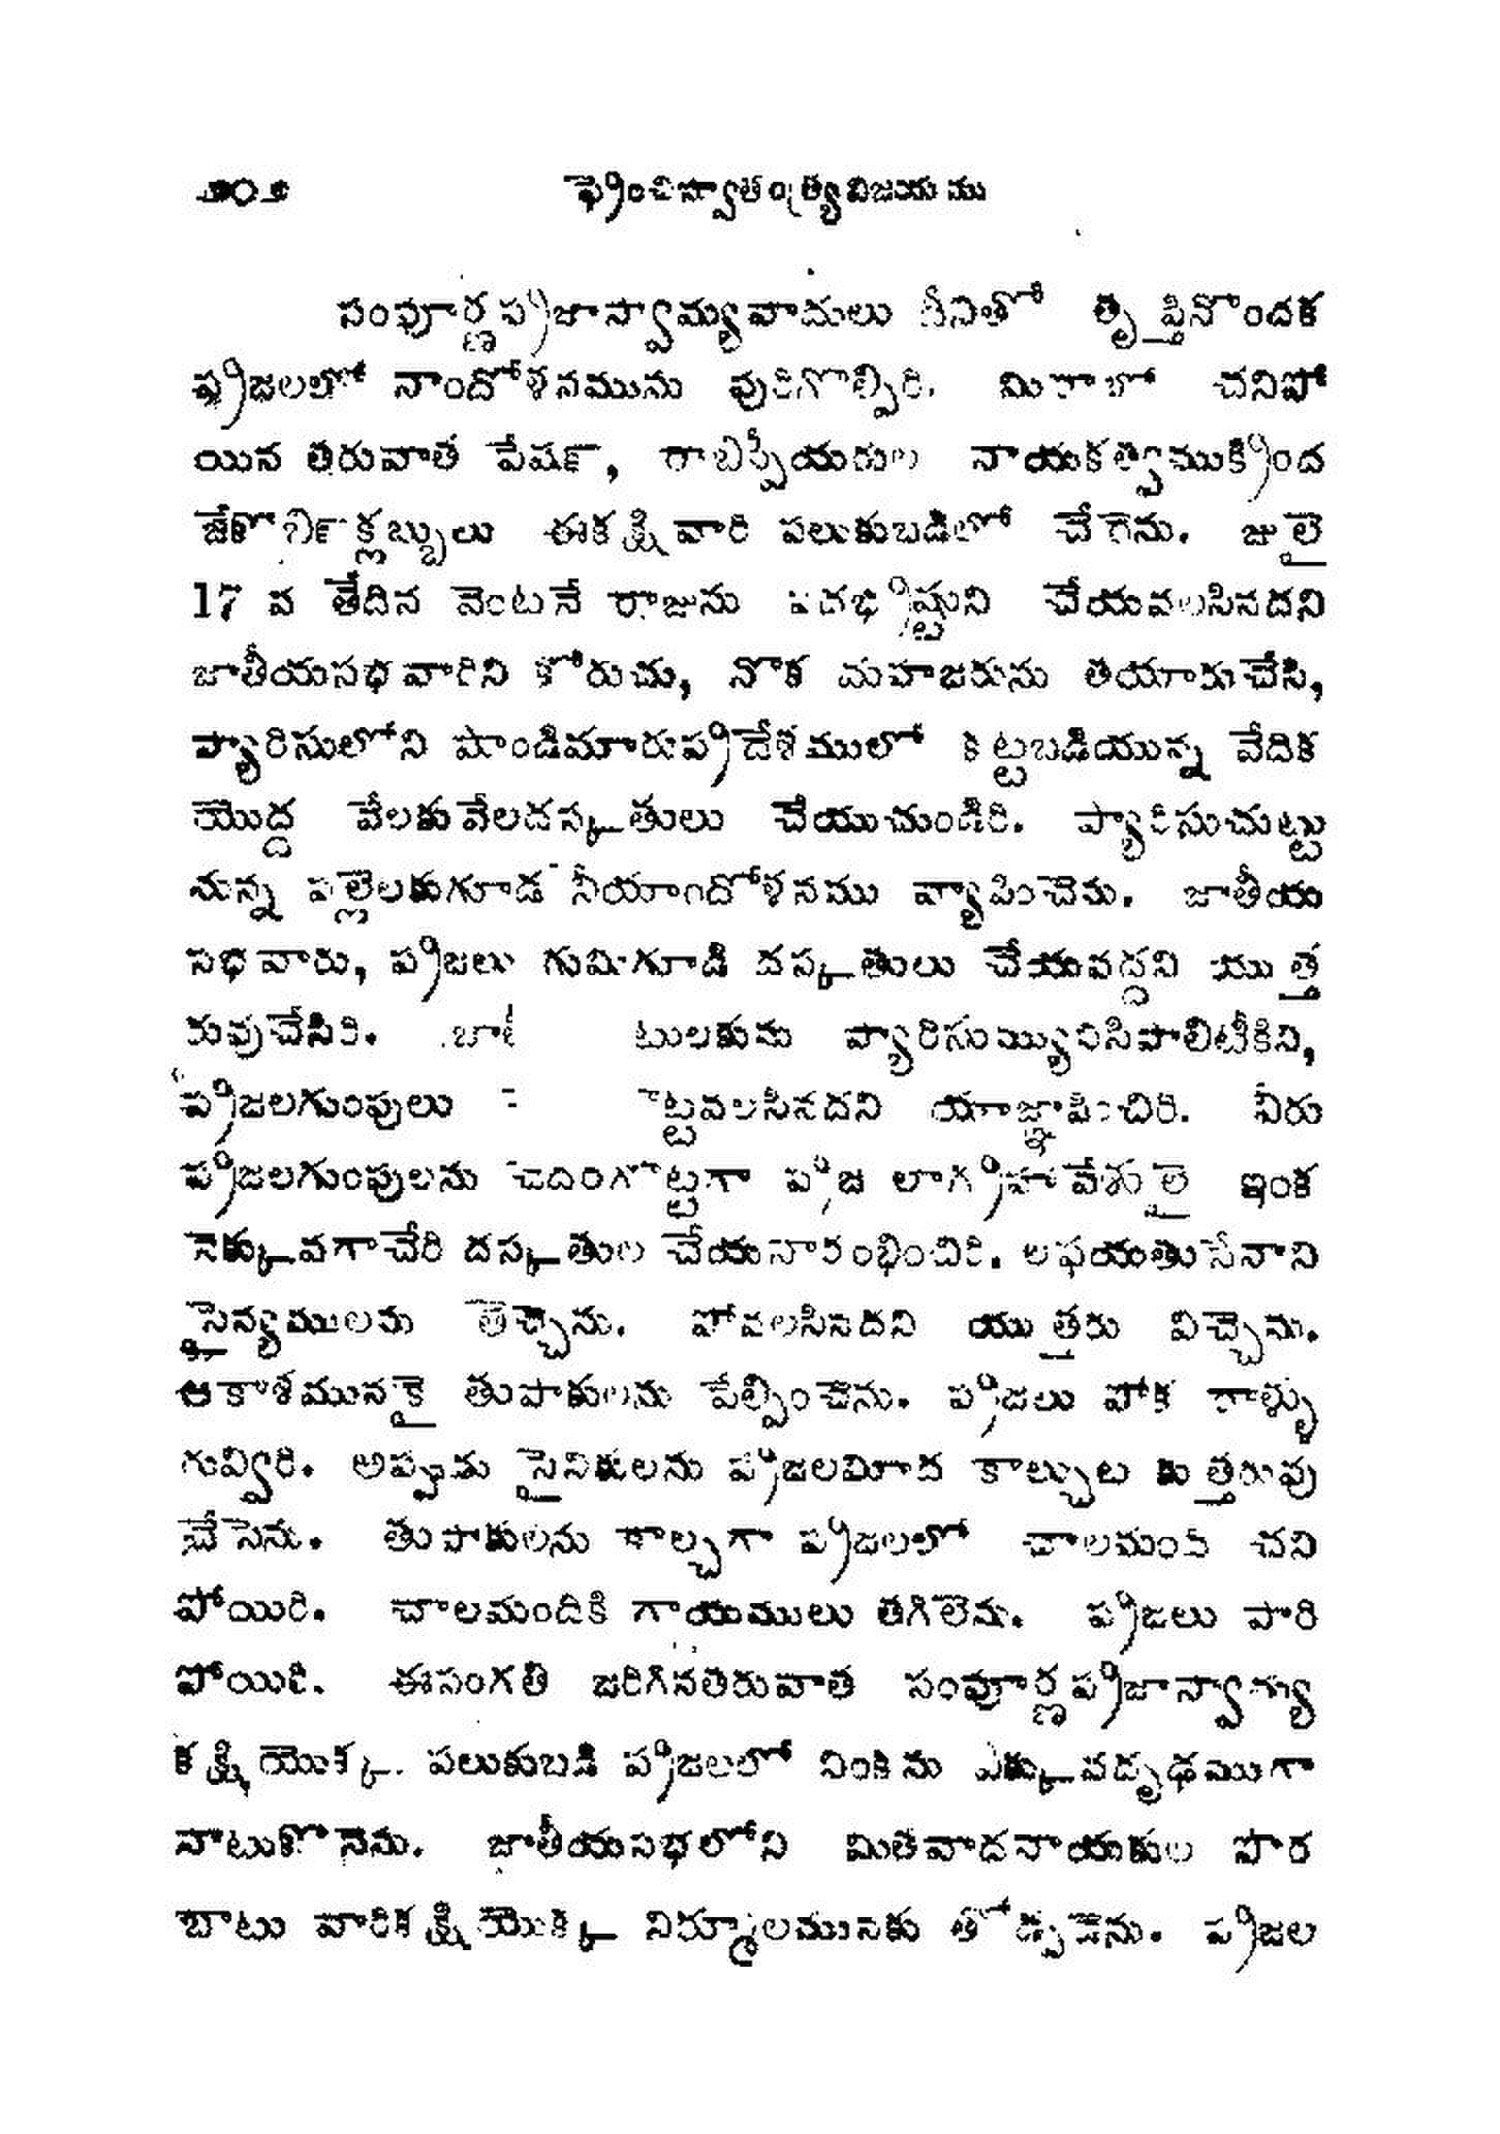సంపూర్ణ ప్రజాస్వామ్య వాదులు దీనితో తృప్తినొందక
ప్రజలలో నాందోళనమును పురిగొల్పిరి, మిరాబో చనిపో
యిన తరువాత పేషన్, రాబిస్పీయరుల నాయకత్వము క్రింద
జేకొబిన్ "క్లబ్బులు ఈకక్షి వారి పలుకుబడిలో చేరెను.జులై
17 వ తేదిన వెంటనే రాజును పదబ్రష్టుని చేయవసినదని
జాతీయసభ వారిని కోరుచు, నొక మహజరును తయారు చేసి,
ప్యారిసులోని షాండిమారు ప్రదేశములో కట్టబడియున్న
వేదిక యొద్ద వేడు వేల దస్కృతులు చేయుచుండిరి. ప్యారిసు చుట్టు
నున్న పల్లెలకు గూడ నీయాందోళనము వ్యాపించెను. జాతీయ
సభ వారు, ప్రజలు గుమిగూడి దస్కృతులు చేయవద్దని "యుత్త
రువులు చేసిరి . బాలీ బటులకును ప్యారిసు మ్యునిసిపాలిటికిని,
ప్రజలగుంపులు ట్టవలసినదని యాజ్ఞాపించిరి. వీరు
ప్రజలగుంపులను చెదిరిగొట్టగా ప్రజ లాగ్రహ వేశులై ఇంక
నెక్కువగా చేరి దస్కతు చేయనారంభించిరి. లఫయతు సేనాని
సైన్యములను తెచ్చెను. పోవలసినదని యుత్తరు విచ్చెను.
ఆకాశమున కై తుపాకులను పేల్పించేను. ప్రజలు పోక రాళ్ళు
రువ్విరి. అప్పుడు సైనికులను ప్రజలమీద కాల్చుట కుత్తురువు
చేసెను. తుపాకులను కాల్చగా ప్రజలలో చాలమంది చని
పోయిరి. చాలమందికి గాయములు తగిలెను. ప్రజలు పారి
పోయిరి. ఈసంగతి జరిగిన తరువాత సంపూర్ణ ప్రజాస్వామ్య
కక్షి యొక్క. పలుకుబడి ప్రజలలో నింకను ఎక్కువదృఢముగా
నాటుకొనెను. జాతీయసభలోని మిత వాదనాయకుల పొర
బాటు వారికక్షి యొక్క నిర్మూలమునకు తోడ్పడెను. ప్రజల